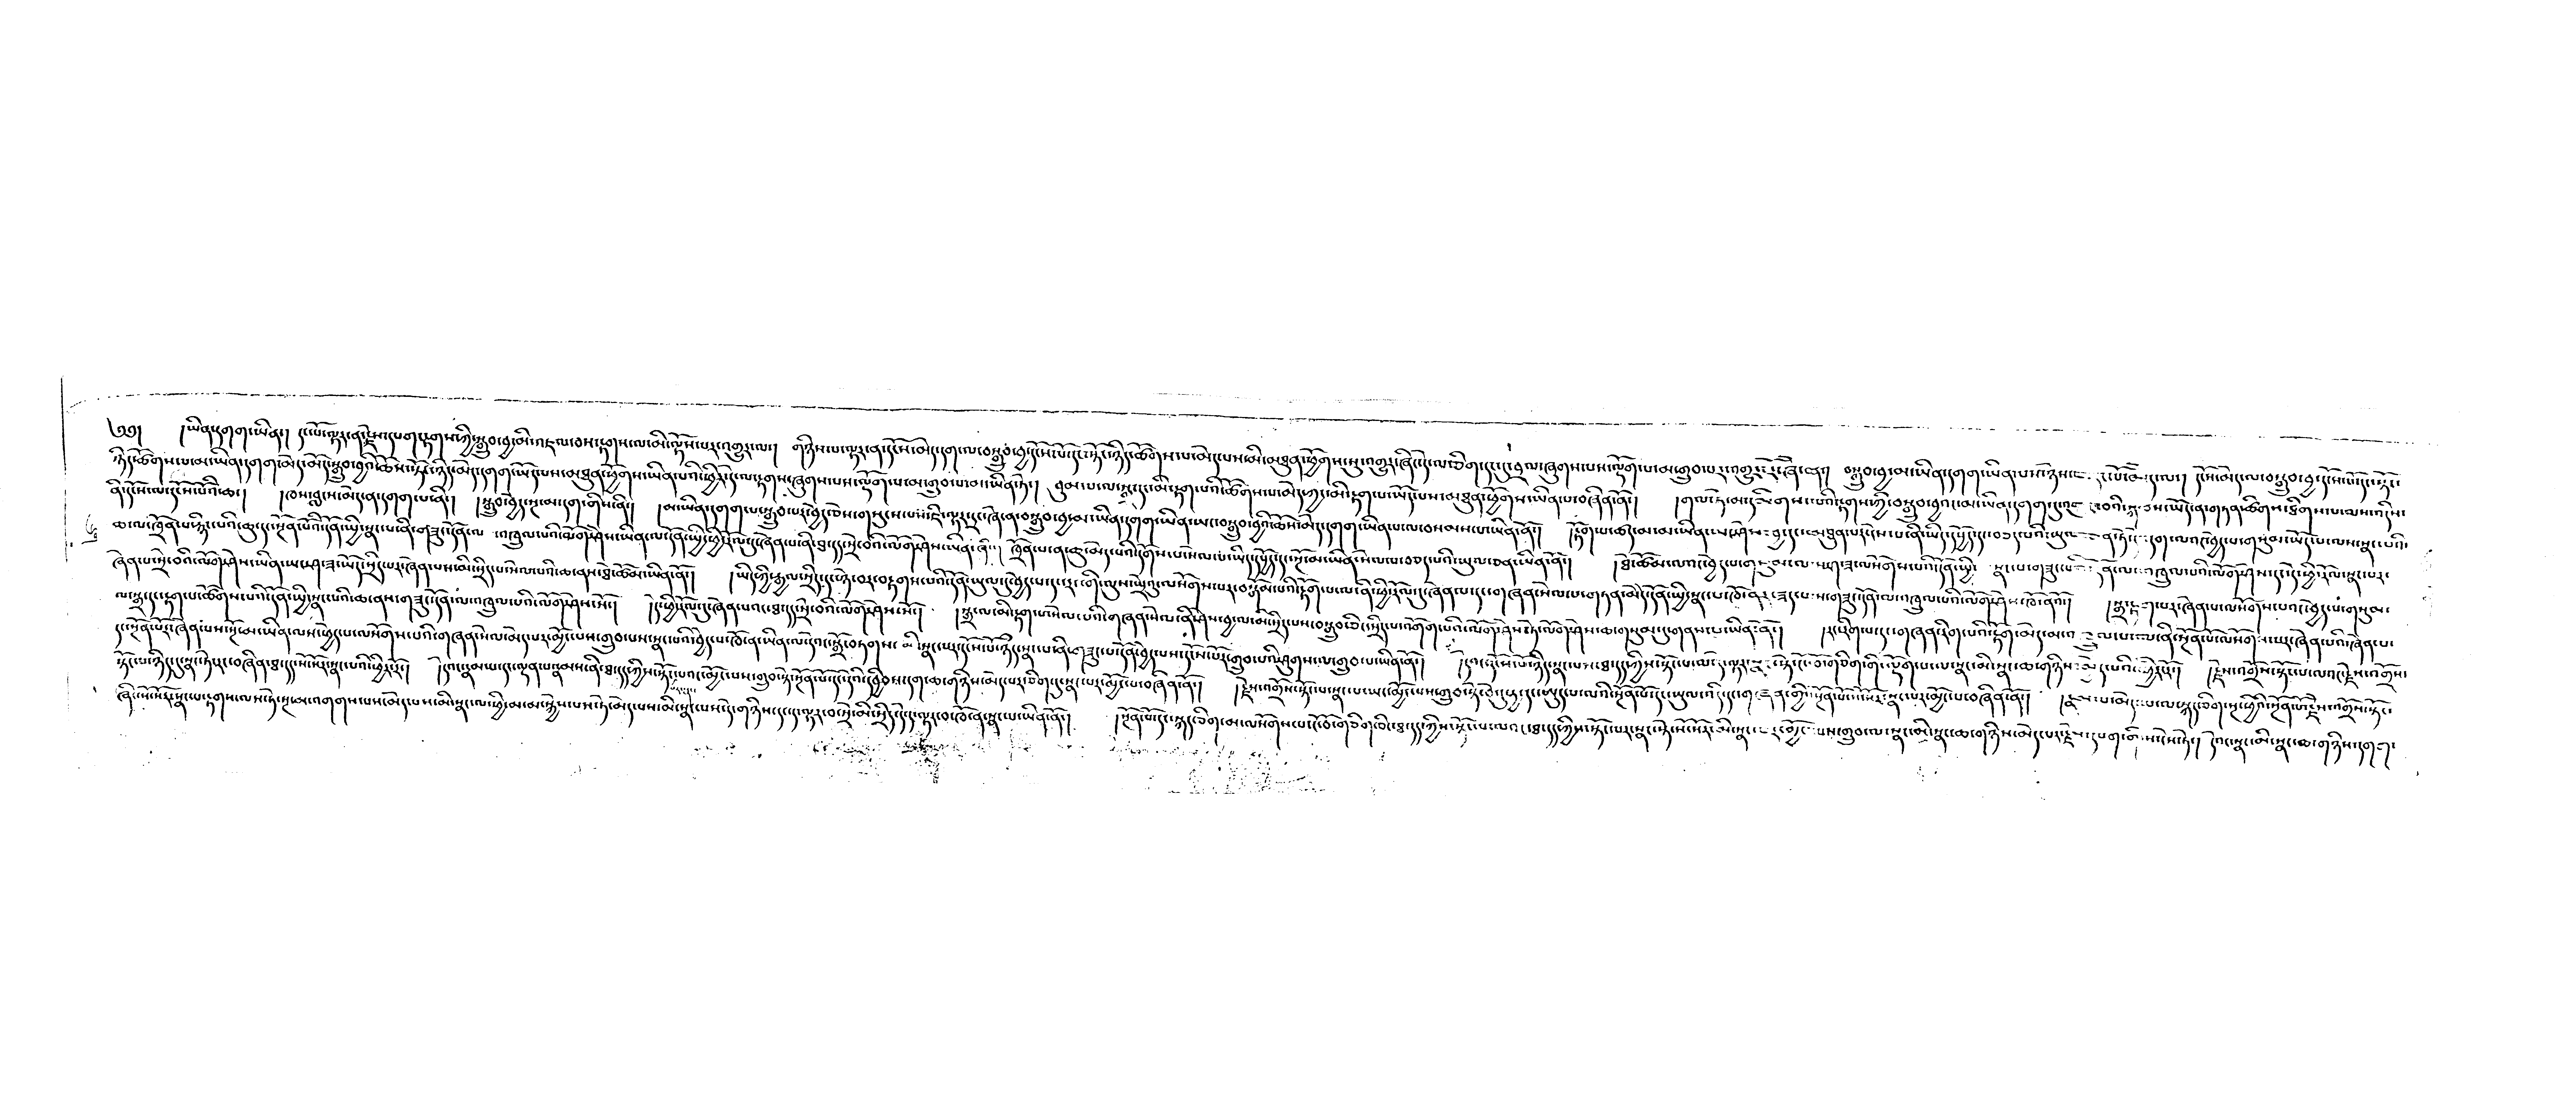༄༅། །ཡིན་དགག་ཡིན། དང་པོ་ལྟར་ན་རྗེས་དཔག་རྟགས་ཀྱི་སྒྲུབ་བྱ་མི་འཇལ་བས་རྟགས་ལ་མི་ལྟོས་པར་འགྱུར་ལ། གཉིས་པ་ལྟར་ན་དངོས་མེད་དག་ལ་བསྒྲུབ་བྱ་དངོས་པོ་དང་སྟོང་ཉིད་ཚོགས་པ་མེད་པས་མི་མཐུན་ཕྱོགས་སུ་འགྱུར་ཞིང་དེ་ལ་ཅིག་དང་དུ་བྲལ་ཞུགས་པས་ལྡོག་པ་མ་གྲུབ་པར་འགྱུར་རོ་ཞེ་ན། བསྒྲུབ་བྱ་མ་ཡིན་དགག་ཡིན་པས་ཉེས་པ་དང་པོ་མེད་ལ། དངོས་མེད་ལ་བསྒྲུབ་བྱ་དངོས་པོ་དང་སྟོང་
ཉིད་ཚོགས་པ་མ་ཡིན་དགག་མེད་མོད་སྒྲུབ་བྱའི་ཆོས་སྟོང་ཉིད་མེད་དགག་ཡོད་པས་མཐུན་ཕྱོགས་ཡིན་པའི་ཕྱིར་དེ་ལ་རྟགས་ཞུགས་པས་ལྡོག་པ་མ་གྲུབ་པ་མ་ཡིན་ཏེ། བུམ་པ་ལ་སྒྲ་དང་མི་རྟག་པའི་ཚོགས་པ་མེད་ཀྱང་མི་རྟག་པ་ཡོད་པས་མཐུན་ཕྱོགས་ཡིན་པ་བཞིན་ནོ། །གལ་ཏེ་མ་དམིགས་པའི་རྟགས་ཀྱི་བསྒྲུབ་བྱའང་མ་ཡིན་དགག་དུ་འགྱུར་བའི་སྐབས་ཡོད་ན་གཏན་ཚིགས་ཐིགས་པ་མས་འདིས་
ནི་དངོས་མ་དངོས་པོའི་ཆ། །ཁས་བླངས་མེད་ན་དགག་པ་ནི། །སྒྲུབ་བྱེད་སྔ་མ་དག་གིས་ནི། །མ་ཡིན་དགག་པ་སྒྲུབ་པར་བྱེད་ཅེས་གསུངས་པས་ཇི་ལྟར་དྲང་ཞེ་ན་བསྒྲུབ་བྱ་མ་ཡིན་དགག་ཡིན་ཡང་བསྒྲུབ་བྱའི་ཆོས་མེད་དགག་ཡིན་པ་ལ་བསམ་པ་ཡིན་ནོ། །རྟོག་པ་ཚད་མ་མ་ཡིན་པ་ཤེས་བྱ་དང་མཐུན་པར་ངེས་པ་ནི་ཡིད་དཔྱོད་དང་བཅད་པའི་ཡུལ་ཅན་ཏེ། དག་ལའང་བྱེད་པ་གསུམ་ཡོད་པ་ལས་སྣང་པའི་
ཆ་ལ་ཁྲོན་པ་རྙིང་པའི་ཆུ་དང་སྔོན་པོའི་དོན་སྤྱི་སྣང་པ་ནི་གཟུང་དོན་ལ་འཁྲུལ་པའི་མོག་ཤེས་ཡིན་ལ་དོན་སྤྱི་ཕྱི་རོལ་དུ་ཞེན་པ་ནི་ཐ་དད་སྲེ་བའི་ལོག་ཤེས་ཡིན་ཞིང་། ཁྲོན་པ་ན་ཆུ་མེད་པའི་དགོས་པ་སེལ་པ་ཡིད་དཔྱོད་དང་སྔོ་མ་ཡིན་སེལ་པ་བཅད་པའི་ཡུལ་ཅན་ཡིན་ནོ། །ཐེ་ཚོམ་ལའང་བྱེད་པ་གསུམ་ལས། ཤ་ཟ་ལ་སོགས་པའི་དོན་སྤྱི་སྣང་པ་གཟུང་པའི་དོན་ལ་འཁྲུལ་པའི་ལོག་ཤེས་དང་དེ་ཕྱི་རོལ་སྣང་པར་
ཞེན་པ་སྲེ་བའི་ལོག་ཤེས་ཡིན་ཡང་ཤ་ཟ་ཡོད་སྲིད་པར་ཞེན་པས་མི་སྲིད་པ་སེལ་པའི་ཆ་ནས་ཐེ་ཚོམ་ཡིན་ནོ། །ཡིད་ཀྱི་རྒྱལ་སྲིད་དང་ཉེ་བར་བརྟགས་པའི་དོན་ཡུལ་དུ་བྱེད་པ་དང་རང་གི་ལུས་སྤྲེའུ་ལ་སོགས་པར་བསྒོམ་པའི་རྟོག་པ་ལ་ནི་ཕྱི་རོལ་དུ་ཞེན་ལ་དང་གཞན་སེལ་པ་གཏན་མེད་དེ་དོན་སྤྱི་སྣང་པ་ཁོ་ནར་ཟད་པས་གཟུང་དོན་ལ་འཁྲུལ་པའི་ལོག་ཤེས་ཁོ་ནའོ། །སྒྲ་རྟག་པར་ཞེན་པ་ལ་སོགས་པའང་བྱེད་པ་གསུམ་
ལ་སྒྲ་དང་རྟག་པ་ཚོགས་པའི་དོན་སྤྱི་སྣང་པའི་ཆ་ནས་གཟུང་དོན་ལ་འཁྲུལ་པའི་ལོག་ཤེས་སོ། །དེ་ཕྱི་རོལ་དུ་ཞེན་པའང་ཐ་དད་སྲེ་བའི་ལོག་ཤེས་སོ། །སྒྲ་ལ་མི་རྟག་པ་སེལ་པའི་གཞན་སེལ་ནི་ཤེས་བྱ་ལ་མི་སྲིད་པས་བསྒྲུབ་ཅིང་སྲིད་པ་འགོག་པའི་ལོག་ཤེས་ཏེ་ལོག་ཤེས་ཆ་གསུམ་དུ་གནས་པ་ཡིན་ནོ། །རང་རིག་པ་དང་གཞན་རིག་པའི་རྟོག་མེད་མ་འཁྲུལ་པ་ལ་ནི་སྔོན་པོ་ལ་སོགས་པར་ཞེན་པའི་ཞེན་པ་
དང་སྔོན་པོར་ཞེན་པས་སྔོ་མ་ཡིན་ལས་ཕྱེད་པ་ལ་སོགས་པའི་གཞན་སེལ་མེད་པར་མྱོང་པས་གྲུབ་པས་སྣང་པའི་བྱེད་པ་ཁོ་ན་ཡིན་ལ་དེའང་སྒྲོ་བཏགས་མི་སྣང་པར་དངོས་པོ་ཉིད་སྣང་པ་ནི་གཟུང་པ་དོན་བྱེད་པས་དངོས་པོར་གྲུབ་པའི་ཤུགས་ལ་གྲུབ་པ་ཡིན་ནོ། །དེའང་དངོས་པོ་ཉིད་སྣང་པའང་ཐ་དད་ཀྱིས་སྟོང་པ་མ་དེ་ལྟར་སྣང་སྟེ་ངོ་བོ་གཅིག་གི་ལྡོག་པ་ལ་སྣང་མི་སྣང་ཆ་གཉིས་མེད་པའི་ཕྱིར་རོ། །རྗེས་འགྲོས་སྟོང་པ་ལའང་རྗེས་འགྲོས་
སྟོང་པ་ཉིད་དུ་སྣང་ཏེ་རང་བཞིན་ཐ་དད་སོ་སོར་སྣང་པའི་ཕྱིར་རོ། །དེའང་རྣམ་པ་དང་ལྡན་པ་རྣམས་ནི་ཐ་དད་ཀྱིས་སྟོང་པར་སྣང་པའང་མྱོང་པས་གྲུབ་སྟེ་སྔོན་པོ་དང་དེའི་དབྱིབས་དག་ཆ་གཉིས་མེད་པར་ཅིག་དུ་སྣང་པར་མྱོང་པ་བཞིན་ནོ། །རྗེས་འགྲོས་སྟོང་པ་སྣང་པ་ཡང་མྱོང་པས་གྲུབ་སྟེ་བེའུ་བྱ་དང་ཨུད་པ་ལའི་སྔོན་པོ་དང་ཡུལ་འདི་དང་གཞན་གྱིས་སྔོན་པོ་སོ་སོར་སྣང་པར་མྱོང་པ་བཞིན་ནོ། །རྣམ་པ་མེད་པ་ལ་སྐད་ཅིག་སྔ་ཕྱིའི་སྔོན་པོ་རྗེས་འགྲོས་སྟོང་
ཞིང་སོ་སོར་སྣང་པ་རྟགས་ལས་ཏེ་སྔ་མ་འགགས་པས་མེད་པས་མི་སྣང་ལ་ཕྱི་མ་མ་སྐྱེས་པས་ཏེ་མེད་པས་མི་སྣང་པས་དེ་གཉིས་དང་ད་ལྟར་བ་སྲེ་མི་སྲིད་དེ་ད་ལྟར་བ་ཁོ་ན་སྣང་པ་ཡིན་ནོ། །སྔོན་པོ་དང་སྐད་ཅིག་མ་ལ་སོགས་པ་ངོ་བོ་གཅིག་ཅིང་ཐ་དད་ཀྱིས་སྟོང་པ་ལའང་ཐ་དད་ཀྱིས་སྟོང་པར་སྣང་སྟེ་སོ་སོར་མི་སྣང་པར་མྱོང་པས་གྲུབ་ལ་སྣང་མི་སྣང་ཆ་གཉིས་མེད་པར་རྗེས་དཔག་གིས་ངེས་ཏེ། དེའང་སྣང་མི་སྣང་ཆ་གཉིས་དགག་